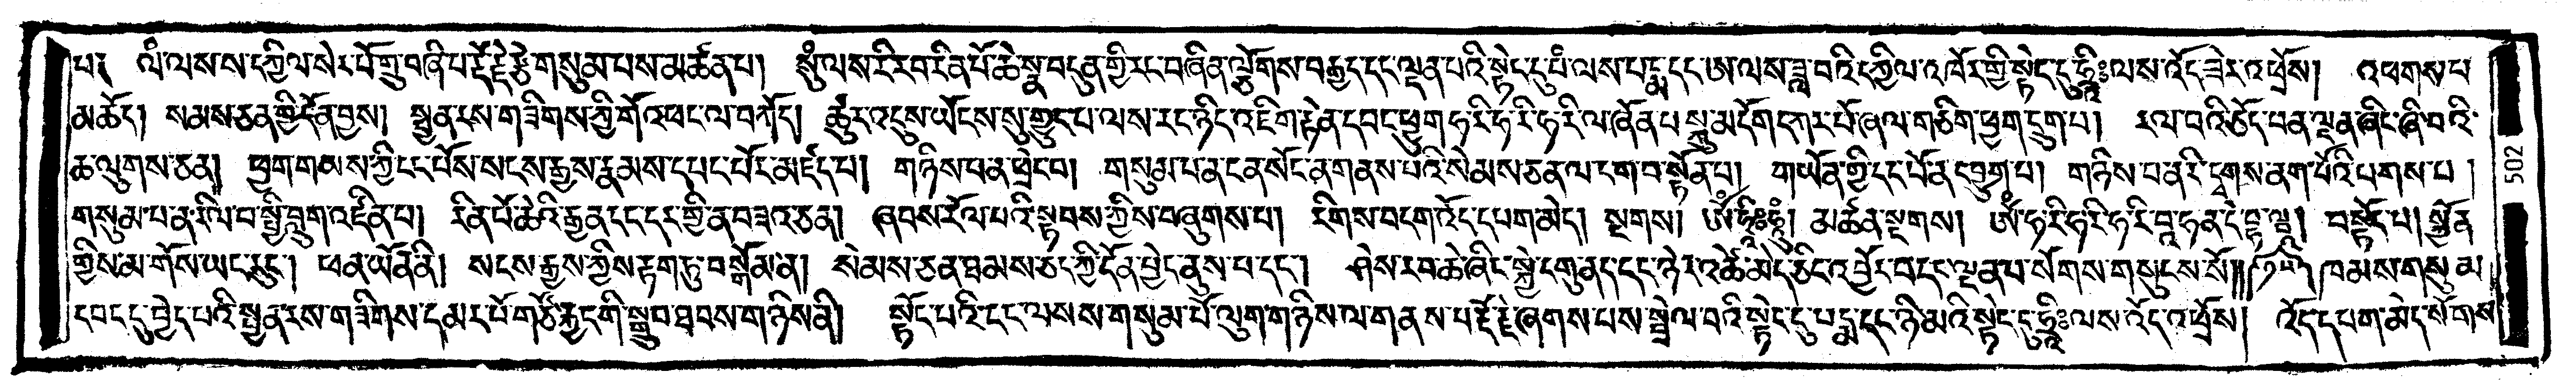པ༑ ལཾ་ལས་ས་དཀྱིལ་སེར་པོ་གྲུ་བཞི་པ་རྡོ་རྗེ་རྩེ་གསུམ་པས་མཚན་པ། སུཾ་ལས་རི་རབ་རིན་པོ་ཆེ་སྣ་བདུན་གྱི་རང་བཞིན་ལྕོགས་བརྒྱད་དང་ལྡན་པའི་སྟེང་དུ་པཾ་ལས་པདམ་དང་ཨ་ལས་ཟླ་བའི་དཀྱིལ་འཁོར་གྱི་སྟེང་དུ་ཧྲཱིཿལས་འོད་ཟེར་འཕྲོས། འཕགས་པ་
མཆོད། སེམས་ཅན་གྱི་དོན་བྱས། སྤྱན་རས་གཟིགས་ཀྱི་གོ་འཕང་ལ་བཀོད། ཚུར་འདུས་ཡོངས་སུ་གྱུར་པ་ལས་རང་ཉིད་འཇིག་རྟེན་དབང་ཕྱུག་ཧ་རི་ཧ་རི་ཧ་རི་ལ་ཞོན་པ་སྐུ་མདོག་དཀར་པོ་ཞལ་གཅིག་ཕྱག་དྲུག་པ། རལ་བའི་ཅོད་བན་ལྡན་ཞིང་ཞི་བའི་
ཆ་ལུགས་ཅན། ཕྱག་གཡས་ཀྱི་ངང་པོས་སངས་རྒྱས་རྣམས་དཔང་པོར་མཛད་པ། གཉིས་པ་ན་ཕྲེང་བ། གསུམ་པ་ན་ངན་སོང་ན་གནས་པའི་སེམས་ཅན་ལ་ངག་བསྟོན་པ། གཡོན་གྱི་དང་པོ་ན་དབྱུག་པ། གཉིས་པ་ན་རི་དྭགས་ནག་པོའི་པགས་པ།
གསུམ་པ་ན་རིལ་བ་སྤྱི་བླུག་འཛིན་པ། རིན་པོ་ཆེའི་རྒྱན་དང་དར་གྱི་ན་བཟའ་ཅན། ཞབས་རོལ་པའི་སྟབས་ཀྱིས་བཞུགས་པ། རིགས་བདག་འོད་དཔག་མེད། སྔགས། ཨོཾ་ཧྲཱིཿཧཱུཾ། མཚན་སྔགས། ཨོཾ་ཧ་རི་ཧ་རི་ཧ་རི་བཱ་ཧ་ན་དི་བྷ་ཝཱ། བསྟོད་པ། སྐྱོན་
གྱིས་མ་གོས་ཡང་རུང་། ཕན་ཡོན་ནི། སངས་རྒྱས་ཀྱིས་རྟག་ཏུ་བསྒོམ་ན། སེམས་ཅན་ཐམས་ཅད་ཀྱི་དོན་བྱེད་ནུས་པ་དང་། ཤེས་རབ་ཆེ་ཞིང་སྐྱེ་དགུ་ནད་དང་ཉེར་འཚེ་མེད་ཅིང་འབྱོར་བ་དང་ལྡན་པ་སོགས་གསུངས་སོ།། ༡༥?་ཁམས་གསུམ་
དབང་དུ་བྱེད་པའི་སྤྱན་རས་གཟིགས་དམར་པོ་གཙོ་རྐྱང་གི་སྒྲུབ་ཐབས་གཉིས་ནི། སྟོང་པའི་ངང་ལས་ས་གསུམ་པོ་ལུག་གཉིས་ལ་གནས་པ་རྡོ་རྗེ་ཞགས་པས་སྦྲེལ་བའི་སྟེང་དུ་པདམ་དང་ཉི་མའི་སྟེང་དུ་ཧྲཱིཿལས་འོད་འཕྲོས། འོད་དཔག་མེད་སོགས་